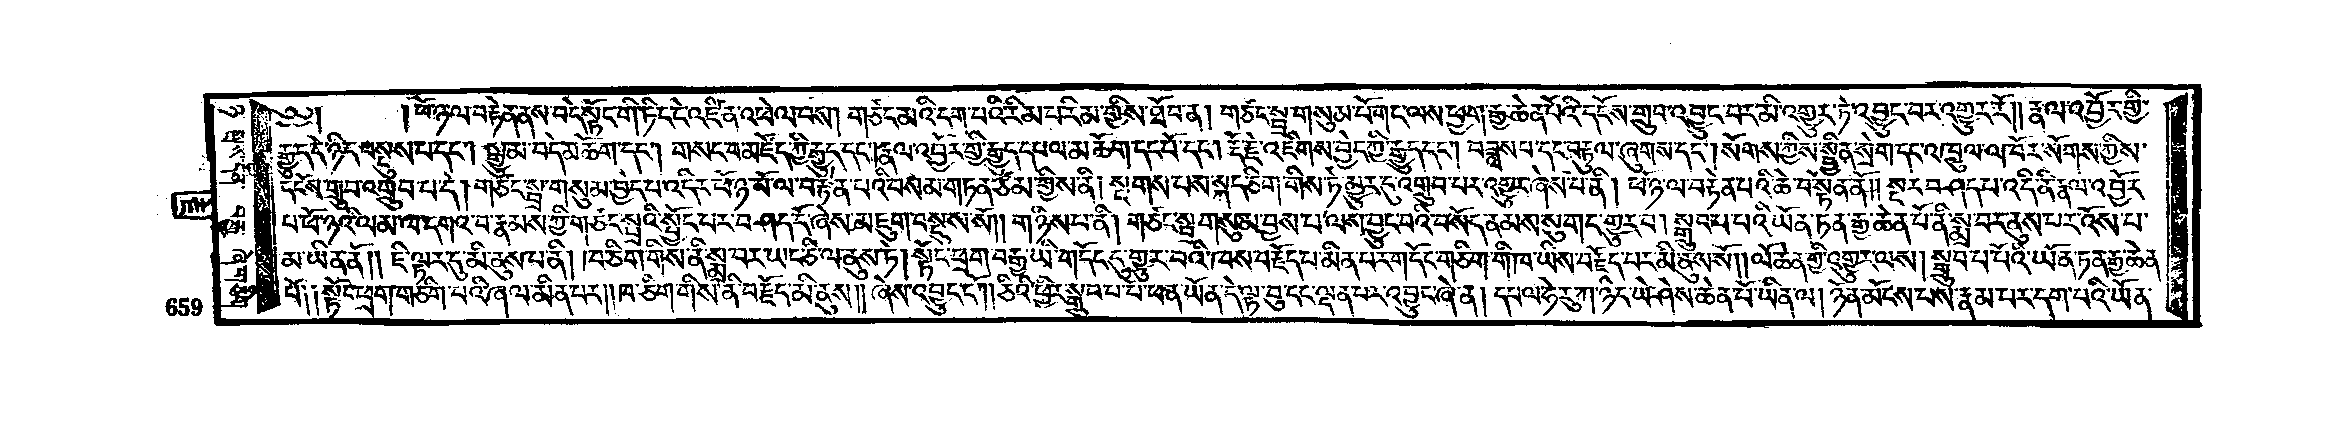༄༅། །པོ་ཉ་ལ་བརྟེན་ནས་བདེ་སྟོང་གི་ཏིང་ངེ་འཛིན་འཕེལ་བས། གཙང་མའི་དག་པའི་རིམ་པ་རིམ་གྱིས་ཐོབ་ན། གཙང་སྒྲ་གསུམ་པོ་གང་ལས་ཕྱག་རྒྱ་ཆེན་པོའི་དངོས་གྲུབ་འབྱུང་བར་མི་འགྱུར་ཏེ་འབྱུང་བར་འགྱུར་རོ། །རྣལ་འབྱོར་གྱི་
རྒྱུད་དེ་ཉིད་བསྡུས་པ་དང་། སྒྱུ་མ་བདེ་མཆོག་དང་། གསང་བ་མཛོད་ཀྱི་རྒྱུད་དང་། རྣལ་འབྱོར་གྱི་རྒྱུད་དཔལ་མཆོག་དང་པོ་དང་། རྡོ་རྗེ་འཇིགས་བྱེད་ཀྱི་རྒྱུད་དང་། བཟླས་པ་དང་བརྟུལ་ཞུགས་དང་། སོགས་ཀྱིས་སྦྱིན་སྲེག་དང་འཁྲུལ་འཁོར་སོགས་ཀྱིས་
དངོས་གྲུབ་འགྲུབ་པ་དེ། གཙང་སྦྲ་གསུམ་བྱེད་པ་འདིར་ཕོ་ཉ་མོ་ལ་བརྟེན་པའི་བསམ་གཏན་ཙམ་གྱིས་ནི། སྔགས་པས་སྐད་ཅིག་གིས་ཏེ་མྱུར་དུ་འགྲུབ་པར་འགྱུར་ཞེས་པ་ནི། ཕོ་ཉ་ལ་བརྟེན་པའི་ཆེ་བ་སྟོན་ནོ། །སྔར་བཤད་པ་འདི་ནི་རྣལ་འབྱོར་
པ་ཕོ་ཉའི་ལམ་ལ་དགའ་བ་རྣམས་ཀྱི་གཙང་སྦྲའི་སྤྱོད་པར་བཤད་དོ་ཞེས་མཇུག་བསྡུས་སོ། །གཉིས་པ་ནི། གཙང་སྦྲ་གསུམ་བྱས་པ་ལས་བྱུང་བའི་བསོད་ནམས་སུ་གང་གྱུར་བ། སྒྲུབ་པ་པའི་ཡོན་ཏན་རྒྱ་ཆེན་པོ་ནི་སྨྲ་བར་ནུས་པར་འོས་པ་
མ་ཡིན་ནོ། །ཇི་ལྟར་དུ་མི་ནུས་པ་ནི། ཁ་ཅིག་གིས་ནི་སྨྲ་བར་ཡང་ཅི་ལ་ནུས་ཏེ། སྟོང་ཕྲག་བརྒྱ་ཡི་གདོང་དུ་གྱུར་བའི་ཁས་བརྗོད་པ་མིན་པར་གདོང་གཅིག་གི་ཁ་ཡིས་བརྗོད་པར་མི་ནུས་སོ། །ལོ་ཆེན་གྱི་འགྱུར་ལས། སྒྲུབ་པ་པོའི་ཡོན་ཏན་རྒྱ་ཆེན་
པོ། །སྟོང་ཕྲག་གཅིག་པའི་ཞལ་མིན་པར། །ཁ་ཅིག་གིས་ནི་བརྗོད་མི་ནུས། །ཞེས་འབྱུང་ངོ། །ཅིའི་ཕྱིར་སྒྲུབ་པ་པོ་ཕན་ཡོན་དེ་ལྟ་བུ་དང་ལྡན་པར་འབྱུང་ཞེ་ན། དཔལ་ཧེ་རུ་ཀ་ཉིད་ཡེ་ཤེས་ཆེན་པོ་ཡིན་ལ། ཉོན་མོངས་པས་རྣམ་པར་དག་པའི་ཡོན་